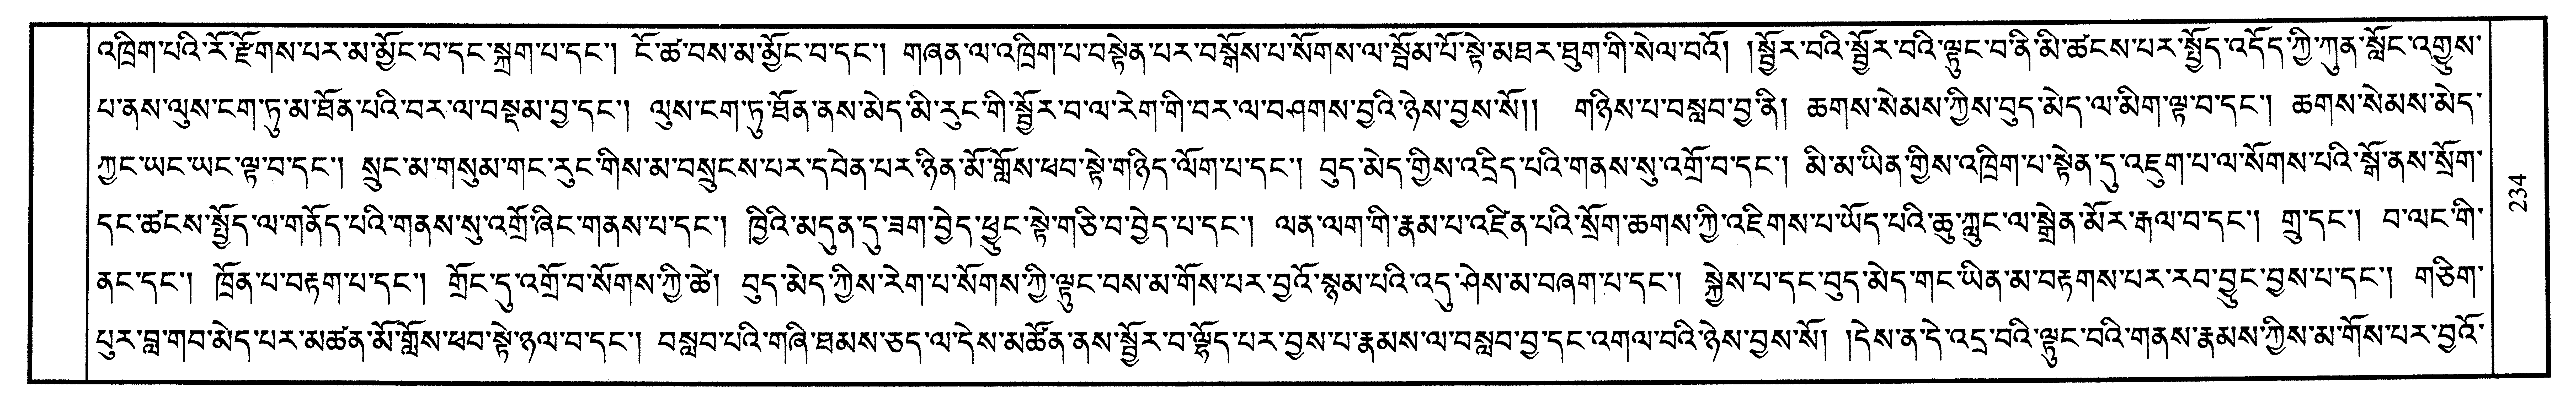འཁྲིག་པའི་རོ་རྫོགས་པར་མ་མྱོང་བ་དང་སྐྲག་པ་དང་། ངོ་ཚ་བས་མ་མྱོང་བ་དང་། གཞན་ལ་འཁྲིག་པ་བསྟེན་པར་བསྒོས་པ་སོགས་ལ་སྦོམ་པོ་སྟེ་མཐར་ཐུག་གི་སེལ་བའོ། །སྦྱོར་བའི་སྦྱོར་བའི་ལྟུང་བ་ནི་མི་ཚངས་པར་སྤྱོད་འདོད་ཀྱི་ཀུན་སློང་འགྱུས་
པ་ནས་ལུས་ངག་ཏུ་མ་ཐོན་པའི་བར་ལ་བསྡམ་བྱ་དང་། ལུས་ངག་ཏུ་ཐོན་ནས་མེད་མི་རུང་གི་སྦྱོར་བ་ལ་རེག་གི་བར་ལ་བཤགས་བྱའི་ཉེས་བྱས་སོ།། གཉིས་པ་བསླབ་བྱ་ནི། ཆགས་སེམས་ཀྱིས་བུད་མེད་ལ་མིག་ལྟ་བ་དང་། ཆགས་སེམས་མེད་
ཀྱང་ཡང་ཡང་ལྟ་བ་དང་། སྲུང་མ་གསུམ་གང་རུང་གིས་མ་བསྲུངས་པར་བདེན་པར་ཉིན་མོ་གློས་ཕབ་སྟེ་གཉིད་ལོག་པ་དང་། བུད་མེད་ཀྱིས་འདྲིད་པའི་གནས་སུ་འགྲོ་བ་དང་། མི་མ་ཡིན་གྱིས་འཁྲིག་པ་སྟེན་དུ་འཇུག་པ་ལ་སོགས་པའི་སྒོ་ནས་སྲོག་
དང་ཚངས་སྤྱོད་ལ་གནོད་པའི་གནས་སུ་འགྲོ་ཞིང་གནས་པ་དང་། ཁྱིའི་མདུན་དུ་ཟག་བྱེད་ཕྱུང་སྟེ་གཅི་བ་བྱེད་པ་དང་། ལན་ལག་གི་རྣམ་པ་འཛིན་པའི་སྲོག་ཆགས་ཀྱི་འཇིགས་པ་ཡོད་པའི་ཆུ་ཀླུང་ལ་སྒྲེན་མོར་རྒལ་བ་དང་། གྲུ་དང་། བ་ལང་གི་
ནང་དང་། ཁྲོན་པ་བརྟག་པ་དང་། གྲོང་དུ་འགྲོ་བ་སོགས་ཀྱི་ཚེ། བུད་མེད་ཀྱིས་རེག་པ་སོགས་ཀྱི་ལྟུང་བས་མ་གོས་པར་བྱའོ་སྙམ་པའི་འདུ་ཤེས་མ་བཞག་པ་དང་། སྐྱེས་པ་དང་བུད་མེད་གང་ཡིན་མ་བརྟགས་པར་རབ་བྱུང་བྱས་པ་དང་། གཅིག་
པུར་བླ་གབ་མེད་པར་མཚན་མོ་གློས་ཕབ་སྟེ་ཉལ་བ་དང་། བསླབ་པའི་གཞི་ཐམས་ཅད་ལ་དེས་མཚོན་ནས་སྦྱོར་བ་ལྷོད་པར་བྱས་པ་རྣམས་ལ་བསླབ་བྱ་དང་འགལ་བའི་ཉེས་བྱས་སོ། །དེས་ན་དེ་འདྲ་བའི་ལྟུང་བའི་གནས་རྣམས་ཀྱིས་མ་གོས་པར་བྱའོ་